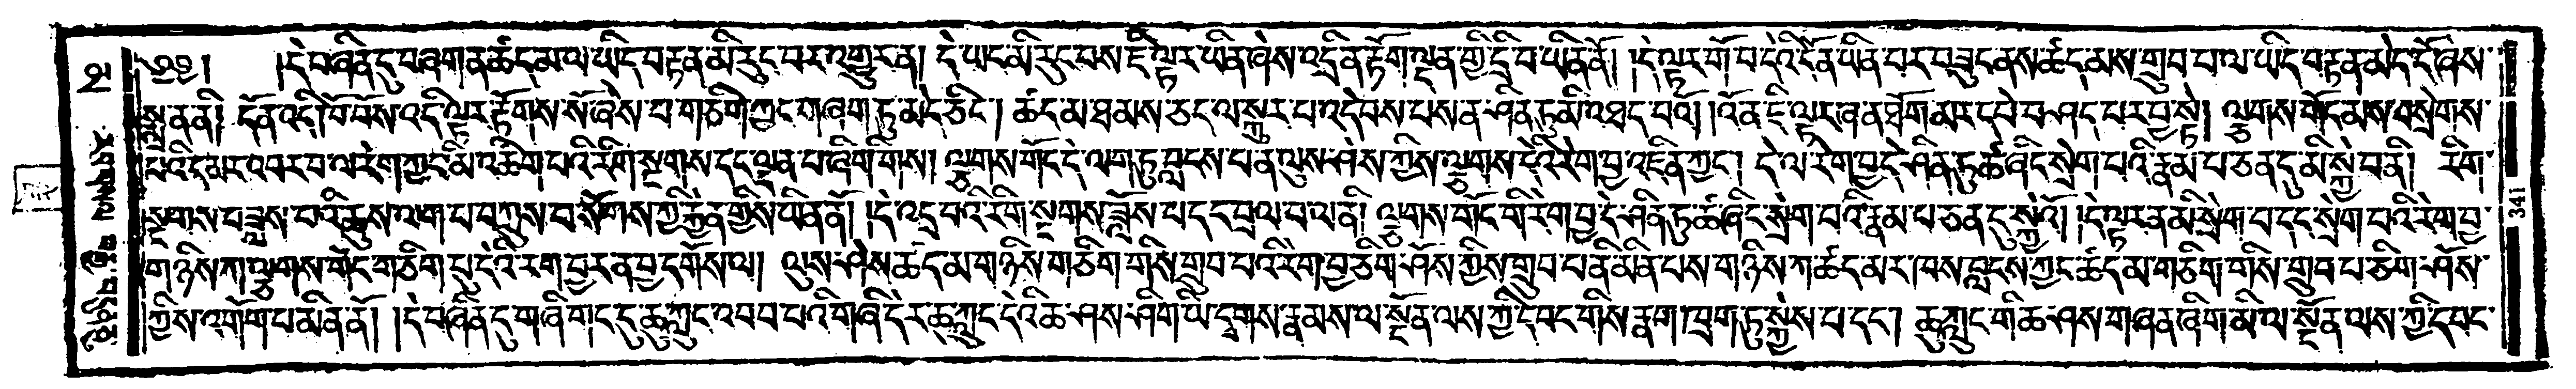༄༅། །དེ་བཞིན་དུ་བཞག་ན་ཚད་མ་ལ་ཡིད་བརྟན་མི་འགྱུར་བར་འགྱུར་ན། དེ་ཡང་མི་རུང་བས་ཇི་ལྟར་ཡིན་ཞེས་འདྲི་ན་རྟོག་ལྡན་གྱི་དྲི་བ་ཡིན་ནོ། །དེ་ལྟར་གོ་བ་དེའི་དོན་ཡིན་པར་བཟུང་ནས་ཚད་མས་གྲུབ་པ་ལ་ཡིད་བརྟན་མེད་དོ་ཞེས་
སྨྲ་ན་ནི། དོན་འདི་ཁོ་བོས་འདི་ལྟར་རྟོགས་སོ་ཞེས་པ་གཅིག་ཀྱང་གཞག་ཏུ་མེད་ཅིང་། ཚད་མ་ཐམས་ཅད་ལ་སྐུར་པ་འདེབས་པས་ན་ཤིན་ཏུ་མི་འཐད་པའོ། །འོ་ན་ཇི་ལྟར་ཞེ་ན་ཐོག་མར་དཔེ་བཤད་པར་བྱ་སྟེ། ལྕགས་གོང་མས་བསྲེགས་
པའི་དམར་འབར་བ་ལ་རེག་ཀྱང་མི་འཚིག་པའི་རིག་སྔགས་དང་ལྡན་པ་ཞིག་གིས། ལྕགས་གོང་དེ་ལག་ཏུ་བླངས་པ་ན་ལུས་ཤེས་ཀྱིས་ལྕགས་དེའི་རེག་བྱ་འཛིན་ཀྱང་། དེ་ལ་རེག་བྱ་དེ་ཤིན་ཏུ་ཚ་ཞིང་སྲེག་པའི་རྣམ་པ་ཅན་དུ་མི་སྐྱེ་བ་ནི། རིགས་
སྔགས་བཟླས་པའི་ཆུས་ལག་པ་བཀྲུས་པ་སོགས་ཀྱི་རྐྱེན་གྱིས་ཡིན་ནོ། །དེ་འདྲ་བའི་རིག་སྔགས་ཟློས་པ་དང་བྲལ་བ་ལ་ནི། ལྕགས་གོང་གི་རེག་བྱ་དེ་ཤིན་ཏུ་ཚ་ཞིང་སྲེག་པའི་རྣམ་པ་ཅན་དུ་སྐྱེའོ། །དེ་ལྟར་ན་མི་སྲེག་པ་དང་སྲེག་པའི་རེག་བྱ་
གཉིས་ཀ་ལྕགས་གོང་གཅིག་པུ་དེའི་རེག་བྱར་ནི་བྱ་དགོས་ལ། ལུས་ཤེས་ཚད་མ་གཉིས་གཅིག་གིས་གྲུབ་པའི་རེག་བྱ་ཅིག་ཤོས་ཀྱིས་གྲུབ་པ་ནི་མིན་པས་གཉིས་ཀ་ཚད་མར་ཁས་བླངས་ཀྱང་ཚད་མ་གཅིག་གིས་གྲུབ་པ་ཅིག་ཤོས་
ཀྱིས་འགོག་པ་མིན་ནོ། །དེ་བཞིན་དུ་གཞི་གང་དུ་ཆུ་ཀླུང་འབབ་པའི་གཞི་དེར་ཆུ་ཀླུང་དེའི་ཆ་ཤས་ཤིག་ཡི་དྭགས་རྣམས་ལ་སྔོན་ལས་ཀྱི་དབང་གིས་རྣག་ཁྲག་ཏུ་སྐྱེས་པ་དང་། ཆུ་ཀླུང་གི་ཆ་ཤས་གཞན་ཞིག་མི་ལ་སྔོན་ལས་ཀྱི་དབང་